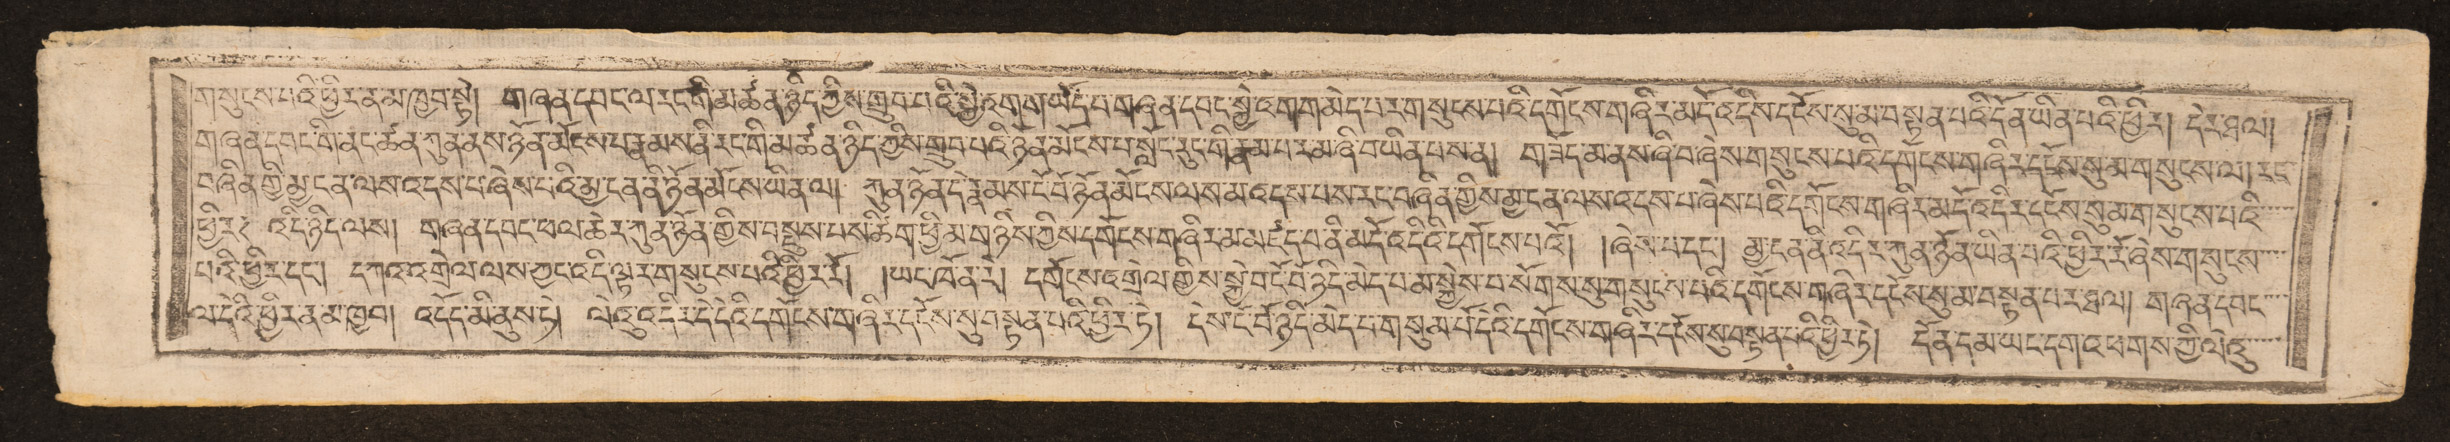གསུངས་པའི་ཕྱིར་ན་མ་ཁྱབ་སྟེ། གཞན་དབང་ལ་རང་གི་མཚན་ཉིད་ཀྱིས་གྲུབ་པའི་སྐྱེ་འགག་ཡོད་པ་གཞན་དབང་སྐྱེ་འགག་མེད་པར་གསུངས་པའི་དགོངས་གཞིར་མདོ་འདིས་དངོས་སུ་མ་བསྟན་པའི་དོན་ཡིན་པའི་ཕྱིར། དེར་ཐལ།
གཞན་དབང་གི་ནང་ཚན་ཀུན་ནས་ཉོན་མོངས་པ་རྣམས་ནི་རང་གི་མཚན་ཉིད་ཀྱིས་གྲུབ་པའི་ཉོན་མོངས་པ་སློང་རུང་གི་རྣམ་པར་མ་ཞི་བ་ཡིན་པས་ན། གཟོད་མ་ནས་ཞི་བ་ཞེས་གསུངས་པའི་དགོངས་གཞིར་དངོས་སུ་མ་གསུངས་ལ། རང་
བཞིན་གྱི་མྱ་ངན་ལས་འདས་པ་ཞེས་པའི་མྱ་ངན་ནི་ཉོན་མོངས་ཡིན་ལ། ཀུན་ཉོན་དེ་རྣམས་ངོ་བོ་ཉོན་མོངས་ལས་མ་འདས་པས་རང་བཞིན་གྱིས་མྱ་ངན་ལས་འདས་པ་ཞེས་པའི་དགོངས་གཞིར་མདོ་འདིར་དངོས་སུམ་གསུངས་པའི་
ཕྱིར༑ འདི་ཉིད་ལས། གཞན་དབང་ཕལ་ཆེར་ཀུན་ཉོན་གྱིས་བསྡུས་པས་ཚིག་ཕྱི་མ་གཉིས་ཀྱིས་དགོངས་གཞིར་མ་མཛད་པ་ནི་མདོ་འདིའི་དགོངས་པའོ། །ཞེས་པ་དང་། མྱ་ངན་ནི་འདིར་ཀུན་ཉོན་ཡིན་པའི་ཕྱིར་རོ་ཞེས་གསུངས་
པའི་ཕྱིར་དང་། དཀའ་འགྲེལ་ལས་ཀྱང་འདི་ལྟར་གསུངས་པའི་ཕྱིར་རོ། །ཡང་ཁོ་ན་རེ། དགོངས་འགྲེལ་གྱིས་སྐྱེ་བ་ངོ་བོ་ཉིད་མེད་པ་མ་སྐྱེས་པ་སོགས་སུ་གསུངས་པའི་དགོངས་གཞིར་དངོས་སུ་མ་བསྟན་པར་ཐལ། གཞན་དབང་
ལ་དེའི་ཕྱིར་ན་མ་ཁྱབ། འདོད་མི་ནུས་ཏེ། ལེའུ་འདིར་དེ་དེའི་དགོངས་གཞིར་དངོས་སུ་བསྟན་པའི་ཕྱིར་ཏེ། དེས་ངོ་བོ་ཉིད་མེད་པ་གསུམ་པོ་དེའི་དགོངས་གཞིར་དངོས་སུ་བསྟན་པའི་ཕྱིར་ཏེ། དོན་དམ་ཡང་དག་འཕགས་ཀྱི་ལེའུ་